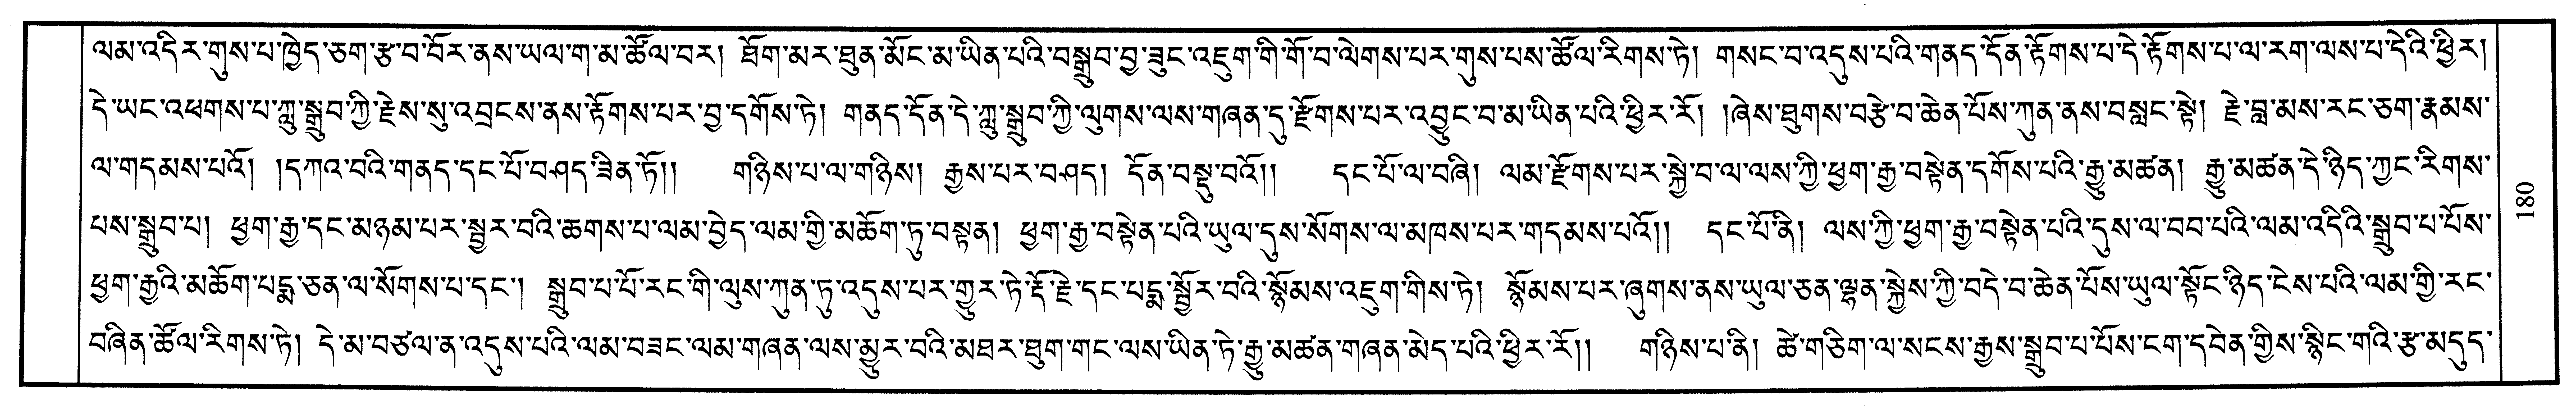ལམ་འདིར་གུས་པ་ཁྱེད་ཅག་རྩ་བ་བོར་ནས་ཡལ་ག་མ་ཚོལ་བར། ཐོག་མར་ཐུན་མོང་མ་ཡིན་པའི་བསྒྲུབ་བྱ་ཟུང་འཇུག་གི་གོ་བ་ལེགས་པར་གུས་པས་ཚོལ་རིགས་ཏེ། གསང་བ་འདུས་པའི་གནད་དོན་རྟོགས་པ་དེ་རྟོགས་པ་ལ་རག་ལས་པ་དེའི་ཕྱིར།
དེ་ཡང་འཕགས་པ་ཀླུ་སྒྲུབ་ཀྱི་རྗེས་སུ་འབྲངས་ནས་རྟོགས་པར་བྱ་དགོས་ཏེ། གནད་དོན་དེ་ཀླུ་སྒྲུབ་ཀྱི་ལུགས་ལས་གཞན་དུ་རྫོགས་པར་འབྱུང་བ་མ་ཡིན་པའི་ཕྱིར་རོ། །ཞེས་ཐུགས་བརྩེ་བ་ཆེན་པོས་ཀུན་ནས་བསླང་སྟེ། རྗེ་བླ་མས་རང་ཅག་རྣམས་
ལ་གདམས་པའོ། །དཀའ་བའི་གནད་དང་པོ་བཤད་ཟིན་ཏོ།། གཉིས་པ་ལ་གཉིས། རྒྱས་པར་བཤད། དོན་བསྡུ་བའོ། །དང་པོ་ལ་བཞི། ལམ་རྫོགས་པར་སྐྱེ་བ་ལ་ལས་ཀྱི་ཕྱག་རྒྱ་བསྟེན་དགོས་པའི་རྒྱུ་མཚན། རྒྱུ་མཚན་དེ་ཉིད་ཀྱང་རིགས་
པས་སྒྲུབ་པ། ཕྱག་རྒྱ་དང་མཉམ་པར་སྦྱར་བའི་ཆགས་པ་ལམ་བྱེད་ལམ་གྱི་མཆོག་ཏུ་བསྟན། ཕྱག་རྒྱ་བསྟེན་པའི་ཡུལ་དུས་སོགས་ལ་མཁས་པར་གདམས་པའོ།། དང་པོ་ནི། ལས་ཀྱི་ཕྱག་རྒྱ་བསྟེན་པའི་དུས་ལ་བབ་པའི་ལམ་འདིའི་སྒྲུབ་པ་པོས་
ཕྱག་རྒྱའི་མཆོག་པདམ་ཅན་ལ་སོགས་པ་དང་། སྒྲུབ་པ་པོ་རང་གི་ལུས་ཀུན་ཏུ་འདུས་པར་གྱུར་ཏེ་རྡོ་རྗེ་དང་པདམ་སྦྱོར་བའི་སྙོམས་འཇུག་གིས་ཏེ། སྙོམས་པར་ཞུགས་ནས་ཡུལ་ཅན་ལྷན་སྐྱེས་ཀྱི་བདེ་བ་ཆེན་པོས་ཡུལ་སྟོང་ཉིད་ངེས་པའི་ལམ་གྱི་རང་
བཞིན་ཚོལ་རིགས་ཏེ། དེ་མ་བཙལ་ན་འདུས་པའི་ལམ་བཟང་ལམ་གཞན་ལས་མྱུར་བའི་མཐར་ཐུག་གང་ལས་ཡིན་ཏེ་རྒྱུ་མཚན་གཞན་མེད་པའི་ཕྱིར་རོ།། གཉིས་པ་ནི། ཚེ་གཅིག་ལ་སངས་རྒྱས་སྒྲུབ་པ་པོས་ངག་དབེན་གྱིས་སྙིང་གའི་རྩ་མདུད་